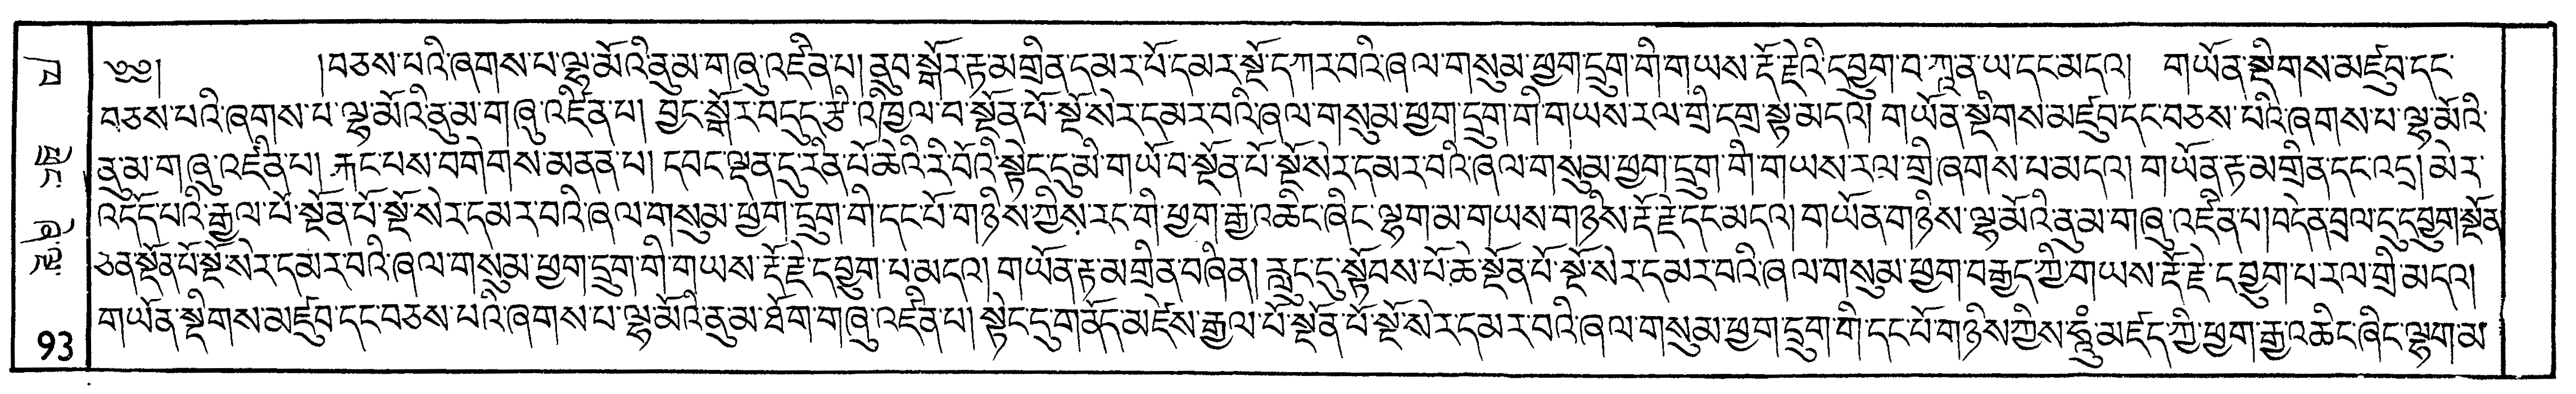༄༅། །བཅས་པའི་ཞགས་པ་ལྷ་མོའི་ནུ་མ་གཞུ་འཛིན་པ། ནུབ་སྒོར་རྟ་མགྲིན་དམར་པོ་དམར་སྔོ་དཀར་བའི་ཞལ་གསུམ་ཕྱག་དྲུག་གི་གཡས་རྡོ་རྗེའི་དབྱུག་བ་ཀཱ་ན་ཡ་དང་མདའ། གཡོན་སྡིགས་མཛུབ་དང་
བཅས་པའི་ཞགས་པ་ལྷ་མོའི་ནུ་མ་གཞུ་འཛིན་པ། བྱང་སྒོར་བདུད་རྩི་འཁྱིལ་བ་སྔོན་པོ་སྔོ་སེར་དམར་བའི་ཞལ་གསུམ་ཕྱག་དྲུག་གི་གཡས་རལ་གྲི་དགྲ་སྟ་མདའ། གཡོན་སྡིགས་མཛུབ་དང་བཅས་པའི་ཞགས་པ་ལྷ་མོའི་
ནུ་མ་གཞུ་འཛིན་པ། རྐང་པས་བགེགས་མནན་པ། དབང་ལྡན་དུ་རིན་པོ་ཆེའི་རི་བོའི་སྟེང་དུ་མི་གཡོ་བ་སྔོན་པོ་སྔོ་སེར་དམར་བའི་ཞལ་གསུམ་ཕྱག་དྲུག་གི་གཡས་རལ་གྲི་ཞགས་པ་མདའ། གཡོན་རྟ་མགྲིན་དང་འདྲ། མེར་
འདོད་པའི་རྒྱལ་པོ་སྔོན་པོ་སྔོ་སེར་དམར་བའི་ཞལ་གསུམ་ཕྱག་དྲུག་གི་དང་པོ་གཉིས་ཀྱིས་རང་གི་ཕྱག་རྒྱ་འཆིང་ཞིང་ལྷག་མ་གཡས་གཉིས་རྡོ་རྗེ་དང་མདའ། གཡོན་གཉིས་ལྷ་མོའི་ནུ་མ་གཞུ་འཛིན་པ། བདེན་བྲལ་དུ་དབྱུག་སྔོན་
ཅན་སྔོན་པོ་སྔོ་སེར་དམར་བའི་ཞལ་གསུམ་ཕྱག་དྲུག་གི་གཡས་རྡོ་རྗེ་དབྱུག་པ་མདའ། གཡོན་རྟ་མགྲིན་བཞིན། རླུང་དུ་སྟོབས་པོ་ཆེ་སྔོན་པོ་སྔོ་སེར་དམར་བའི་ཞལ་གསུམ་ཕྱག་བརྒྱད་ཀྱི་གཡས་རྡོ་རྗེ་དབྱུག་པ་རལ་གྲི་མདའ།
གཡོན་སྡིགས་མཛུབ་དང་བཅས་པའི་ཞགས་པ་ལྷ་མོའི་ནུ་མ་ཐོག་གཞུ་འཛིན་པ། སྟེང་དུ་གནོད་མཛེས་རྒྱལ་པོ་སྔོན་པོ་སྔོ་སེར་དམར་བའི་ཞལ་གསུམ་ཕྱག་དྲུག་གི་དང་པོ་གཉིས་ཀྱིས་ཧཱུཾ་མཛད་ཀྱི་ཕྱག་རྒྱ་འཆིང་ཞིང་ལྷག་མ་